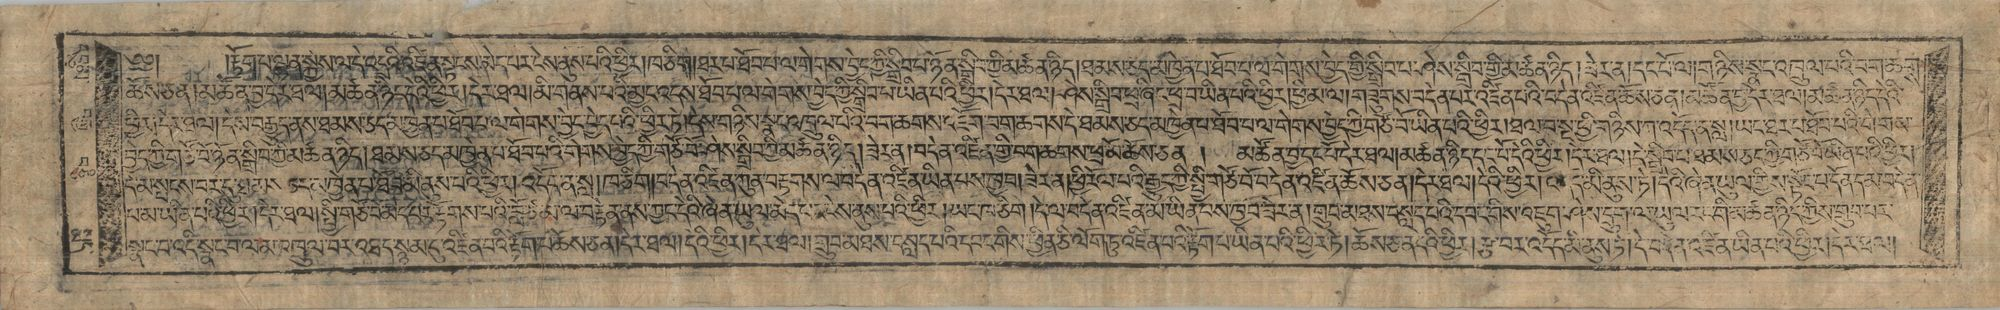༄༅། །རྟོག་པ་ལྷན་སྐྱེས་ལ་དེ་འདྲའི་འཛིན་སྟངས་མེད་པར་ངེས་ནུས་པའི་ཕྱིར། ཁ་ཅིག །ཐར་པ་ཐོབ་པ་ལ་གེགས་བྱེད་ཀྱི་སྒྲིབ་པ་ཉོན་སྒྲིབ་ཀྱི་མཚན་ཉིད། ཐམས་ཅད་མཁྱེན་པ་ཐོབ་པ་ལ་གེགས་བྱེད་གྱི་སྒྲིབ་པ་ཤེས་སྒྲིབ་གྱི་མཚན་ཉིད། ཟེར་ན། དང་པོ་ལ། གཉིས་སྣང་འཁྲུལ་པའི་བག་ཆགས་
ཆོས་ཅན། མཚོན་བྱ་དེར་ཐལ། མཚན་ཉིད་དེའི་ཕྱིར། དེར་ཐལ། མི་གནས་པའི་མྱང་འདས་ཐོབ་པ་ལ་གེགས་བྱེད་ཀྱི་སྒྲིབ་པ་ཡིན་པའི་ཕྱིར། དེར་ཐལ། ཤེས་སྒྲིབ་ཕྲ་ཞིང་ཕྲ་བ་ཡིན་པའི་ཕྱིར། ཕྱི་མ་ལ། གཟུགས་བདེན་པར་འཛིན་པའི་བདེན་འཛིན་ཆོས་ཅན། མཚོན་བྱ་དེར་ཐལ། མཚན་ཉིད་དེའི་
ཕྱིར། དེར་ཐལ། དེས་བརྒྱུད་ནས་ཐམས་ཅད་མཁྱེན་པ་ཐོབ་པ་ལ་གེགས་བྱེད་བྱེད་པའི་ཕྱིར་ཏེ། དེས་གཉིས་སྣང་འཁྲུལ་པའི་བག་ཆགས་འཇོག་བག་ཆགས་དེ་ཐམས་ཅད་མཁྱེན་པ་ཐོབ་པ་ལ་གེགས་བྱེད་ཀྱི་གཙོ་བོ་ཡིན་པའི་ཕྱིར། ཐལ་བ་སྔ་ཕྱི་གཉིས་ཀ་འདོད་ན་སླ། ཡང་ཐར་པ་ཐོབ་པའི་གེགས་
བྱེད་ཀྱི་གཙོ་བོ་ཉོན་སྒྲིབ་ཀྱི་མཚན་ཉིད། ཐམས་ཅད་མཁྱེན་པ་ཐོབ་པའི་གེགས་བྱེད་ཀྱི་གཙོ་བོ་ཤེས་སྒྲིབ་ཀྱི་མཚན་ཉིད། ཟེར་ན། བདེན་འཛིན་གྱི་བག་ཆགས་ཕྲ་མོ་ཆོས་ཅན། མཚོན་བྱ་དང་པོ་དེར་ཐལ། མཚན་ཉིད་དང་པོ་དེའི་ཕྱིར། དེར་ཐལ། དེ་སྒྲིབ་པ་ཐམས་ཅད་ཀྱི་གཙོ་བོ་ཡིན་པའི་ཕྱིར།
དེ་མ་སྤངས་བར་དུ་ཐམས་ཅད་མཁྱེན་པ་ཐོབ་མི་ནུས་པའི་ཕྱིར། འདོད་ན་སླ། ཁ་ཅིག །བདེན་འཛིན་ཀུན་བརྟགས་ལ་བདེན་འཛིན་ཡིན་པས་ཁྱབ། ཟེར་ན། ཕྱི་རོལ་པའི་རྒྱུད་ཀྱི་སྤྱི་གཙོ་བོ་བདེན་འཛིན་ཆོས་ཅན། དེར་ཐལ། དེའི་ཕྱིར། འདོད་མི་ནུས་ཏེ། དེའི་ཞེན་ཡུལ་གྱིས་སྟོང་བ་དོན་དམ་བདེན་
པ་མ་ཡིན་པའི་ཕྱིར། དེར་ཐལ། སྤྱི་གཙོ་བོ་མེད་པར་རྟོགས་པའི་བློ་ཙམ་ལ་བརྟེན་ནས་ཀྱང་དེའི་ཞེན་ཡུལ་མེད་པར་ངེས་ནུས་པའི་ཕྱིར། ཡང་ཁ་ཅིག །དེ་ལ་བདེན་འཛིན་མ་ཡིན་པས་ཁྱབ་ཟེར་ན། གྲུབ་མཐས་བསླད་པའི་དབང་གིས་འཇུག་ཤེས་དྲུག་ལ་ཡུལ་རང་གི་མཚན་ཉིད་ཀྱིས་གྲུབ་པར་
སྣང་བ་འདི་སྣང་བ་ལ་མ་འཁྲུལ་བར་འཐད་སྙམ་དུ་འཛིན་པའི་རྟོག་པ་ཆོས་ཅན། དེར་ཐལ། དེའི་ཕྱིར། དེར་ཐལ། གྲུབ་མཐས་བསླད་པའི་དབང་གིས་ཕྱིན་ཅི་ལོག་ཏུ་འཛིན་པའི་རྟོག་པ་ཡིན་པའི་ཕྱིར་ཏེ། ཆོས་ཅན་དེའི་ཕྱིར། རྩ་བར་འདོད་མི་ནུས་ཏེ། དེ་བདེན་འཛིན་ཡིན་པའི་ཕྱིར། དེར་ཐལ།